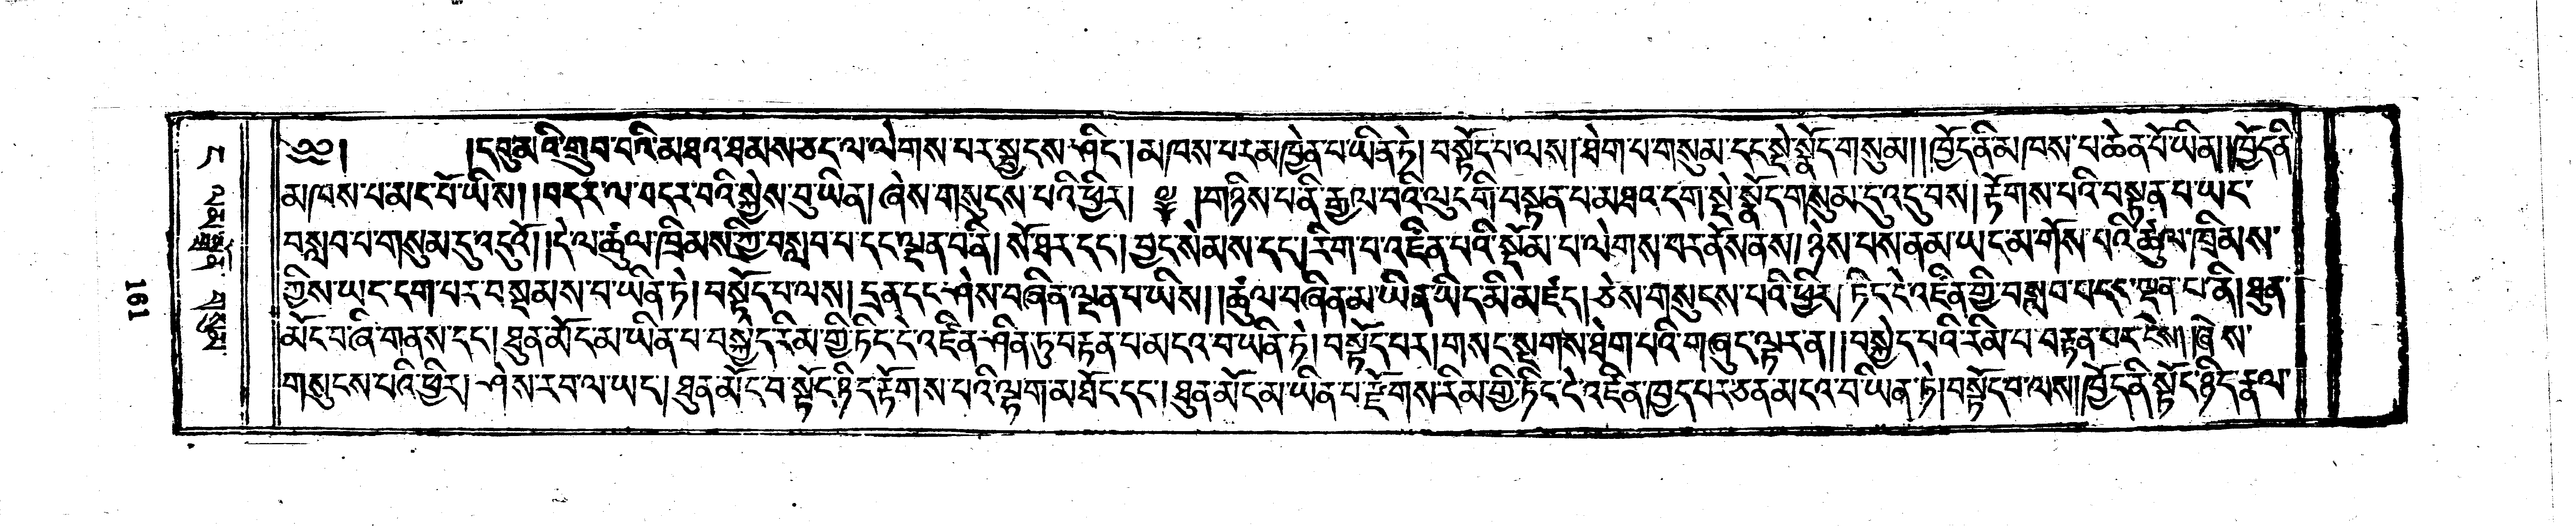༄༅། །དབུ་མའི་གྲུབ་པའི་མཐའ་ཐམས་ཅད་ལ་ལེགས་པར་སྦྱངས་ཤིང་། མཁས་པར་མཁྱེན་པ་ཡིན་ཏེ། བསྟོད་པ་ལས། ཐེག་པ་གསུམ་དང་སྡེ་སྣོད་གསུམ། །ཁྱོད་ནི་མཁས་པ་ཆེན་པོ་ཡིན། །ཁྱོད་ནི་
མཁས་པ་མང་པོ་ཡིས། །བདར་ལ་བདར་བའི་སྐྱེས་བུ་ཡིན། ཞེས་གསུངས་པའི་ཕྱིར། ༈ །གཉིས་པ་ནི་རྒྱལ་བའི་ལུང་གི་བསྟན་པ་མཐའ་དག་སྡེ་སྣོད་གསུམ་དུ་འདུ་བས། རྟོགས་པའི་བསྟན་པ་ཡང་
བསླབ་པ་གསུམ་དུ་འདུའོ། །དེ་ལ་ཚུལ་ཁྲིམས་ཀྱི་བསླབ་པ་དང་ལྡན་པ་ནི། སོ་ཐར་དང་། བྱང་སེམས་དང་། རིག་པ་འཛིན་པའི་སྡོམ་པ་ལེགས་པར་ནོས་ནས། ཉེས་པས་ནམ་ཡང་མ་གོས་པའི་ཚུལ་ཁྲིམས་
ཀྱིས་ཡང་དག་པར་བསྔམས་པ་ཡིན་ཏེ། བསྟོད་པ་ལས། དྲན་དང་ཤེས་བཞིན་ལྡན་པ་ཡིས། །ཚུལ་བཞིན་མ་ཡིན་ཡིད་མི་མཛད། ཅེས་གསུངས་པའི་ཕྱིར། ཏིང་ངེ་འཛིན་གྱི་བསླབ་པ་དང་ལྡན་པ་ནི། ཐུན་
མོང་བ་ཞི་གནས་དང་། ཐུན་མོང་མ་ཡིན་པ་བསྐྱེད་རིམ་གྱི་ཏིང་ངེ་འཛིན་ཤིན་ཏུ་བརྟན་པ་མངའ་བ་ཡིན་ཏེ། བསྟོད་པར། གསང་སྔགས་ཐེག་པའི་གཞུང་ལྟར་ན། །བསྐྱེད་པའི་རིམ་པ་བརྟན་པར་ངེས། ཞེས་
གསུངས་པའི་ཕྱིར། ཤེས་རབ་ལ་ཡང་། ཐུན་མོང་བ་སྟོང་ཉིད་རྟོགས་པའི་ལྷག་མཐོང་དང་། ཐུན་མོང་མ་ཡིན་པ་རྫོགས་རིམ་གྱི་ཏིང་ངེ་འཛིན་ཁྱད་པར་ཅན་མངའ་བ་ཡིན་ཏེ། བསྟོད་པ་ལས། ཁྱོད་ནི་སྟོང་ཉིད་རྣལ་